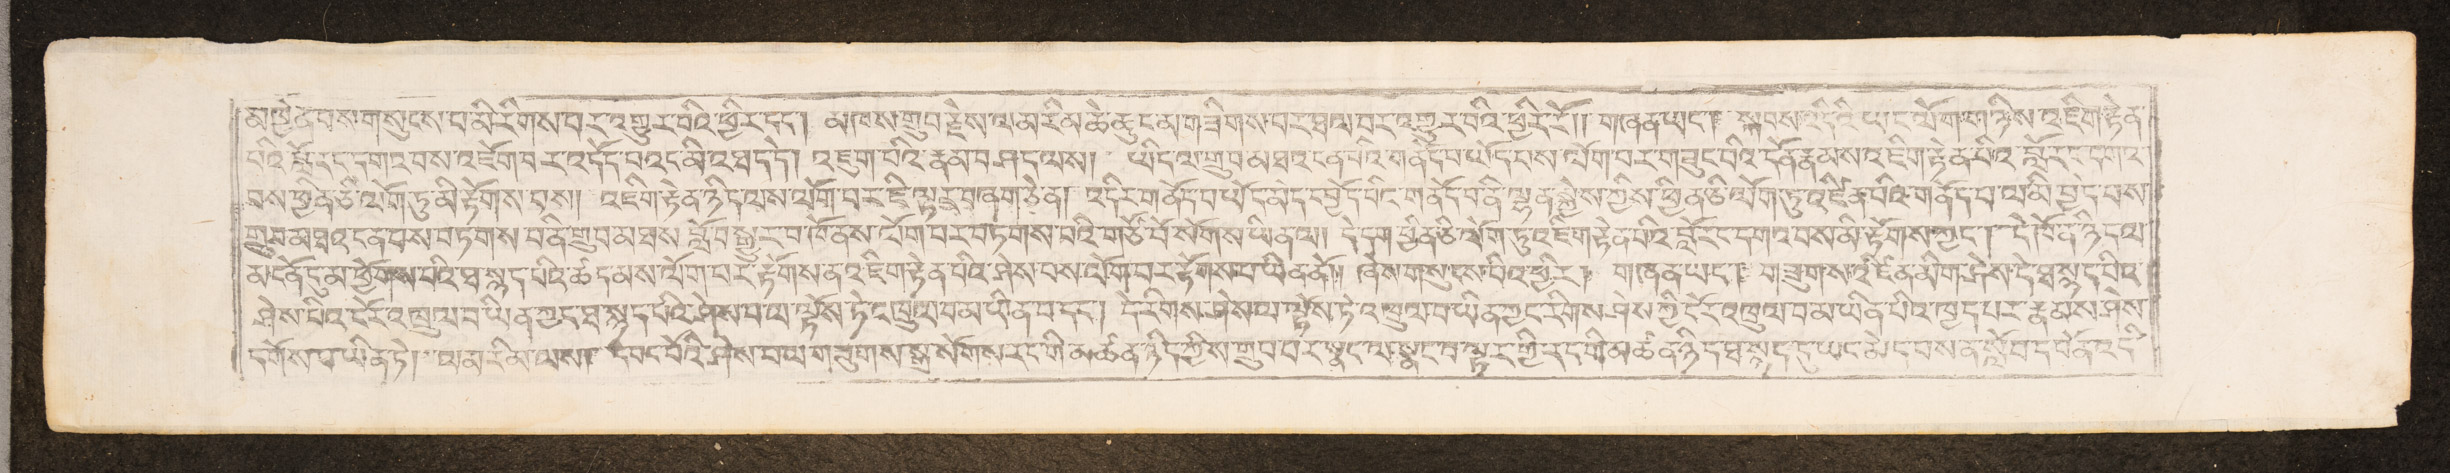མཁྱེན་པས་གསུངས་པ་མི་རིགས་པར་འགྱུར་བའི་ཕྱིར་དང་། མཁས་གྲུབ་རྗེས་ལམ་རིམ་ཆེ་ཆུང་མ་གཟིགས་པར་ཐལ་བར་འགྱུར་བའི་ཕྱིར་རོ།། གཞན་ཡང་། སྐབས་འདིའི་ཡང་ལོག་གཉིས་འཇིག་
པའི་བློ་རང་དགའ་བས་འཇོག་པར་འདོད་པའང་མི་འཐད་དེ། འཇུག་པའི་རྣམ་བཤད་ལས། ཡིད་ལ་གྲུབ་མཐའ་ངན་པའི་གནོད་པ་ཡོད་པས་ལོག་པར་གཟུང་བའི་དོན་རྣམས་འཇིག་རྟེན་པའི་བློ་རང་དགའ་
བས་ཕྱིན་ཅི་ལོག་ཏུ་རྟོགས་པས། འཇིག་རྟེན་ཉིད་ལས་ལོག་པར་ཇི་ཇི་ལྟར་བཞག་ཅེ་ན། འདིར་གནོད་པ་ཡོད་མེད་དཔྱོད་པའི་གནོད་པ་ནི་ལྷན་སྐྱེས་ཀྱིས་ཕྱིན་ཅི་ལོག་ཏུ་འཛིན་པའི་གནོད་པ་ལ་མི་བྱེད་པས་
གྲུབ་མཐའ་ངན་པས་བཏགས་བ་ནི་གྲུབ་མཐས་བློ་བསྒྱུར་བ་ཁོ་ནས་ལོག་པར་བཏགས་པའི་གཙོ་བོ་སོགས་ཡིན་ལ། དེ་དག་ཕྱིན་ཅི་ལོག་ཏུ་འཇིག་རྟེན་པའི་བློ་རང་དགའ་བས་མི་རྟོགས་ཀྱང་། དེ་ཁོ་ན་ཉིད་ལ་
མངོན་དུ་མ་ཕྱོགས་པའི་ཐ་སྙད་པའི་ཚད་མས་ལོག་པར་རྟོགས་ན་འཇིག་རྟེན་པའི་ཤེས་པས་ལོག་པར་རྟོགས་པ་ཡིན་ནོ།། ཞེས་གསུངས་པའི་ཕྱིར། གཞན་ཡང་། གཟུགས་འཛིན་མིག་ཤེས་དེ་ཐ་སྙད་པའི་
ཤེས་པའི་ངོར་འཁྲུལ་བ་ཡིན་ཀྱང་ཐ་སྙད་པའི་ཤེས་པ་ལ་ལྟོས་ཏེ་འཁྲུལ་བ་མ་ཡིན་པ་དང་། དེ་རིགས་ཤེས་ལ་ལྟོས་ཏེ་འཁྲུལ་བ་ཡིན་ཡང་རིགས་ཤེས་ཀྱི་ངོར་འཁྲུལ་བ་མ་ཡིན་པའི་ཁྱད་པར་རྣམས་ཤེས་
དགོས་པ་ཡིན་ཏེ། ལམ་རིམ་ལས། དབང་པོའི་ཤེས་པ་ལ་གཟུགས་སྒྲ་སོགས་རང་གི་མཚན་ཉིད་ཀྱིས་གྲུབ་པར་སྣང་ལ་སྣང་བ་ལྟར་གྱི་རང་གི་མཚན་ཉིད་ཐ་སྙད་དུ་ཡང་མེད་པས་ན་སློབ་དཔོན་